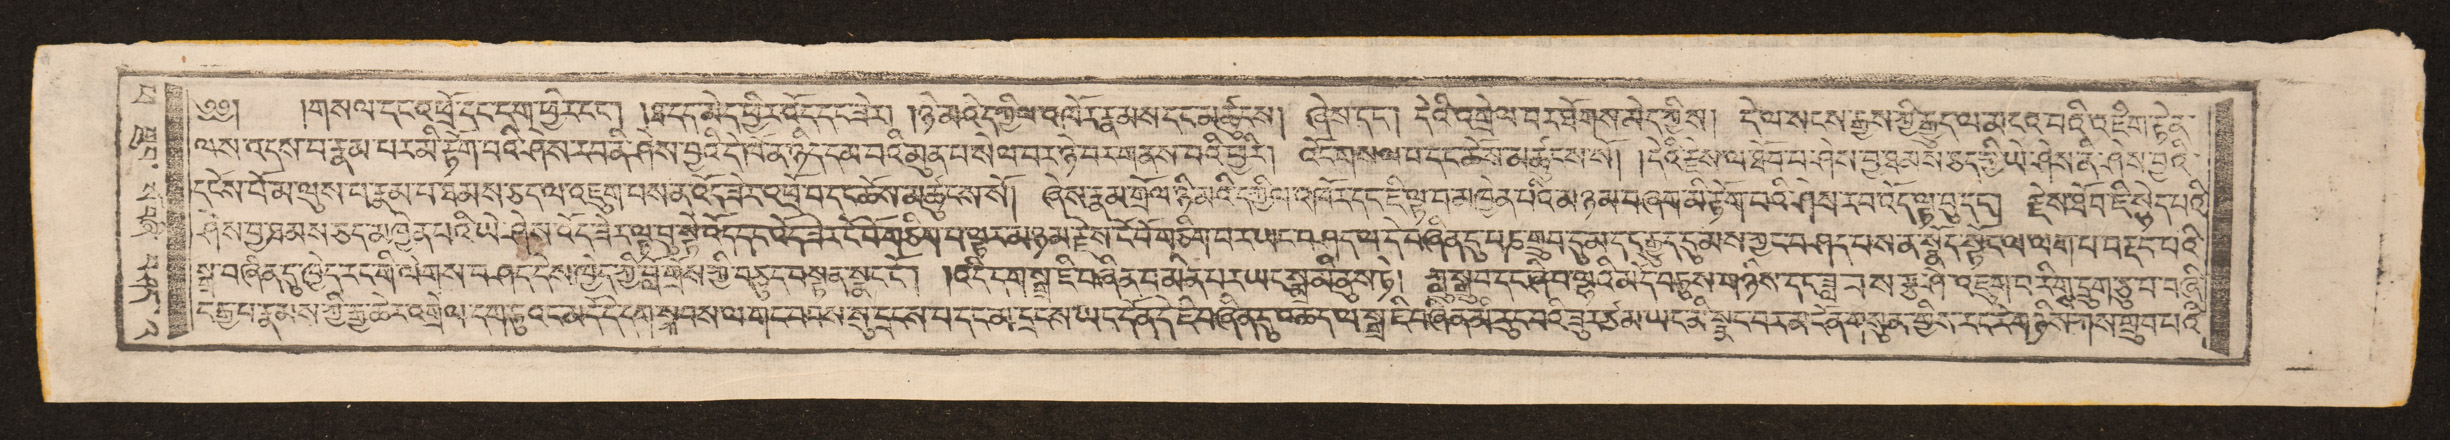༄༅། །གསལ་དང་འཕྲོ་དང་དག་ཕྱིར་དང་། །ཐ་དད་མེད་ཕྱིར་འོད་དང་ཟེར། །ཉི་མའི་དཀྱིལ་འཁོར་རྣམས་དང་མཚུངས། ཞེས་དང་། དེའི་འགྲེལ་བར་ཐོགས་མེད་ཀྱིས། དེ་ལ་སངས་རྒྱས་ཀྱི་རྒྱུད་ལ་མངའ་བའི་འཇིག་རྟེན་
ལས་འདས་པ་རྣམ་པར་མི་རྟོག་པའི་ཤེས་རབ་ནི་ཤེས་བྱའི་དེ་ཁོ་ན་ཉིད་དམ་པའི་མུན་པ་སེལ་བར་ཉེ་བར་གནས་པའི་ཕྱིར། འོད་གསལ་བ་དང་ཆོས་མཚུངས་སོ། །དེའི་རྗེས་ལ་ཐོབ་པ་ཤེས་བྱ་ཐམས་ཅད་ཀྱི་ཡེ་ཤེས་ནི་ཤེས་བྱའི་
དྲོངས་པོ་མ་ལུས་པ་རྣམ་པ་ཐམས་ཅད་ལ་འཇུག་པས་ན་འོད་ཟེར་འཕྲོ་བ་དང་ཆོས་མཚུངས་སོ། ཞེས་རྣམ་གྲོལ་ཉི་མའི་དཀྱིལ་འཁོར་དང་ཇི་ལྟ་བ་མཁྱེན་པའི་མཉམ་བཞག་མི་རྟོག་པའི་ཤེས་རབ་འོད་ལྟ་བུ་དང་། རྗེས་ཐོབ་ཇི་སྙེད་པའི་
ཤེས་བྱ་ཐམས་ཅད་མཁྱེན་པའི་ཡེ་ཤེས་འོད་ཟེར་ལྟ་བུ་སྟེ་འོད་དང་འོད་ཟེར་ངོ་བོ་གཅིག་པ་ལྟར་མཉམ་རྗེས་ངོ་བོ་གཅིག་པར་ཡང་བཤད་ལ་དེ་བཞིན་དུ་པཎ་གྲུབ་དུ་མ་དང་རྒྱུད་དུ་མས་ཀྱང་བཤད་པས་ན་སྣོད་སྟོང་ལ་ལག་པ་བརྡབ་པའི་
སྒྲ་བཞིན་དུ་ཁྱེད་རང་གི་ལེགས་བཤད་དེས་ཁྱེད་ཀྱི་བློ་གྲོས་ཀྱི་བཅུད་བསྟན་སྣང་ངོ། །འདི་དག་སྒྲ་ཇི་བཞིན་པ་མིན་པར་ཡང་སྨ་མི་ནུས་ཏེ། ཀླུ་སྒྲུབ་དང་ཞིབ་ལྷའི་མདོ་བཏུས་གཉིས་དང་ཟླ་བས་རྩ་ཤི་འདུག་པ་རིགས་དྲུག་ཅུ་བ་བཞི་
བརྒྱ་བ་རྣམས་ཀྱི་རྒྱ་ཆེར་འགྲེལ་དག་ཏུའང་མདོ་དེ་དག་སྐབས་ལ་གང་བའས་?་སུ་དྲངས་པ་དང་མ་དྲངས་ཡང་དོན་དེ་ཇི་བཞིན་དུ་འཆེད་ལ་སྒྲ་ཇི་བཞིན་མི་རུང་བའི་ཟུར་ཙམ་ཡང་མི་སྣང་བར་མངོན་གསུམ་གྱིས་རང་རེ་གཉིས་ཀས་གྲུབ་པའི་